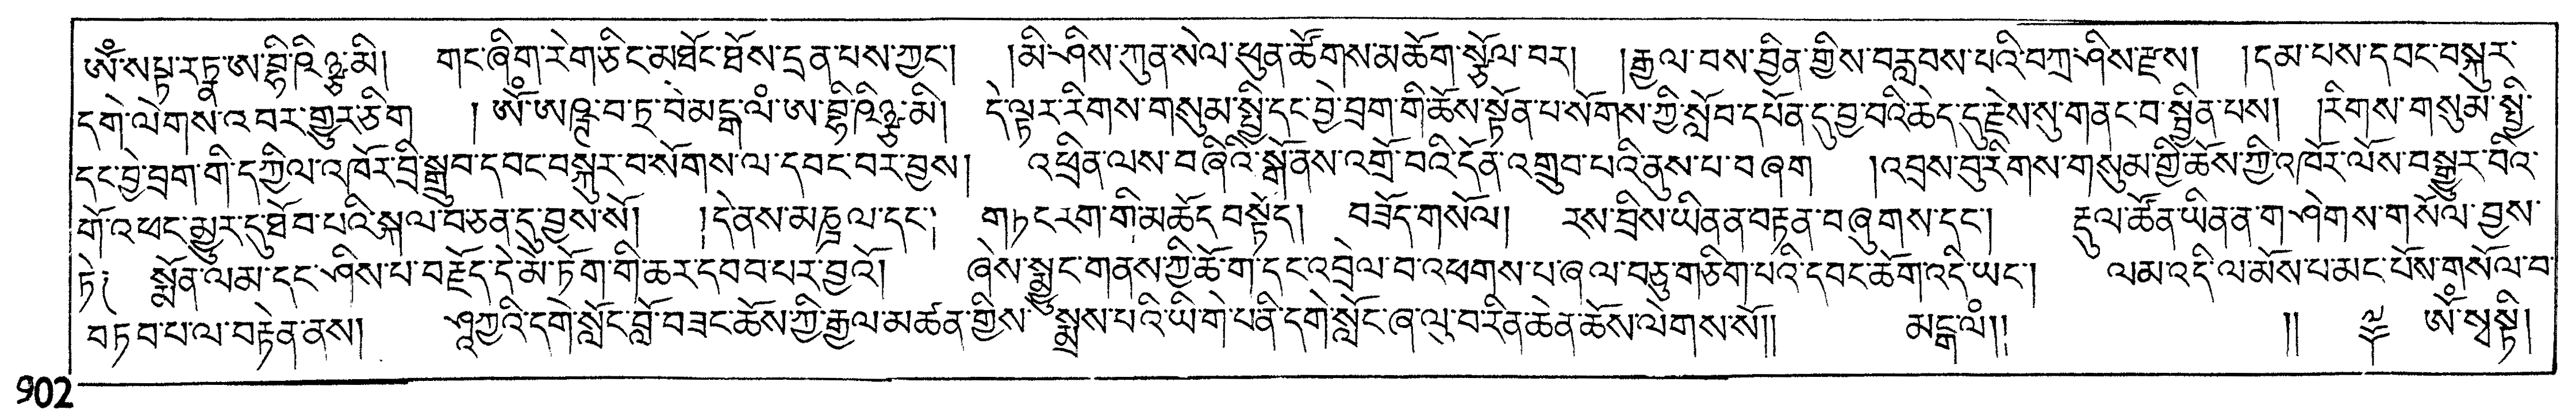ཨོཾ་སཔྟ་རཏྣ་ཨ་བྷི་ཥི་ཉྩ་མི། གང་ཞིག་རེག་ཅིང་མཐོང་ཐོས་དྲན་པས་ཀྱང་། །མི་ཤིས་ཀུན་སེལ་ཕུན་ཚོགས་མཆོག་སྩོལ་བར། །རྒྱལ་བས་བྱིན་གྱིས་བརླབས་པའི་བཀྲ་ཤིས་རྫས། །དམ་པས་དབང་བསྐུར་
དགེ་ལེགས་འབར་གྱུར་ཅིག །ཨོཾ་ཨཥྚ་བ་ཏྲ་བེ་མངྒ་ལཾ་ཨ་བྷི་ཥིཉྩ་མི། དེ་ལྟར་རིགས་གསུམ་སྤྱི་དང་བྱེ་བྲག་གི་ཆོས་སྟོན་པ་སོགས་ཀྱི་སློབ་དཔོན་དུ་བྱ་བའི་ཆེད་དུ་རྗེས་སུ་གནང་བ་སྦྱིན་པས། །རིགས་གསུམ་སྤྱི་
དང་བྱེ་བྲག་གི་དཀྱིལ་འཁོར་བྲི་སྒྲུབ་དབང་བསྐུར་བ་སོགས་ལ་དབང་བར་བྱས། འཕྲིན་ལས་བཞིའི་སྒོ་ནས་འགྲོ་བའི་དོན་འགྲུབ་པའི་ནུས་པ་བཞག །འབྲས་བུ་རིགས་གསུམ་གྱི་ཆོས་ཀྱི་འཁོར་ལོས་བསྒྱུར་བའི་
གོ་འཕང་མྱུར་དུ་ཐོབ་པའི་སྐལ་བ་ཅན་དུ་བྱས་སོ། །དེ་ནས་མཎྜལ་དང་། གཏང་རག་གི་མཆོད་བསྟོད། བཟོད་གསོལ། རས་བྲིས་ཡིན་ན་བརྟན་བཞུགས་དང་། རྡུལ་ཚོན་ཡིན་ན་གཤེགས་གསོལ་བྱས་
ཏེ། སྨོན་ལམ་དང་ཤིས་པ་བརྗོད་དེ་མེ་ཏོག་གི་ཆར་དབབ་པར་བྱའོ། ཞེས་སྨྱུང་གནས་ཀྱི་ཆོ་ག་དང་འབྲེལ་བ་འཕགས་པ་ཞལ་བཅུ་གཅིག་པའི་དབང་ཆོག་འདི་ཡང་། ལམ་འདི་ལ་མོས་པ་མང་པོས་གསོལ་བ་
བཏབ་པ་ལ་བརྟེན་ནས། ཤཱཀྱའི་དགེ་སློང་བློ་བཟང་ཆོས་ཀྱི་རྒྱལ་མཚན་གྱིས་སྨྲས་པའི་ཡི་གེ་པ་ནི་དགེ་སློང་ཞ་ལུ་བ་རིན་ཆེན་ཆོས་ལེགས་སོ། །མངྒ་ལཾ།། །། ༈ ཨོཾ་སྭ་སྟི།